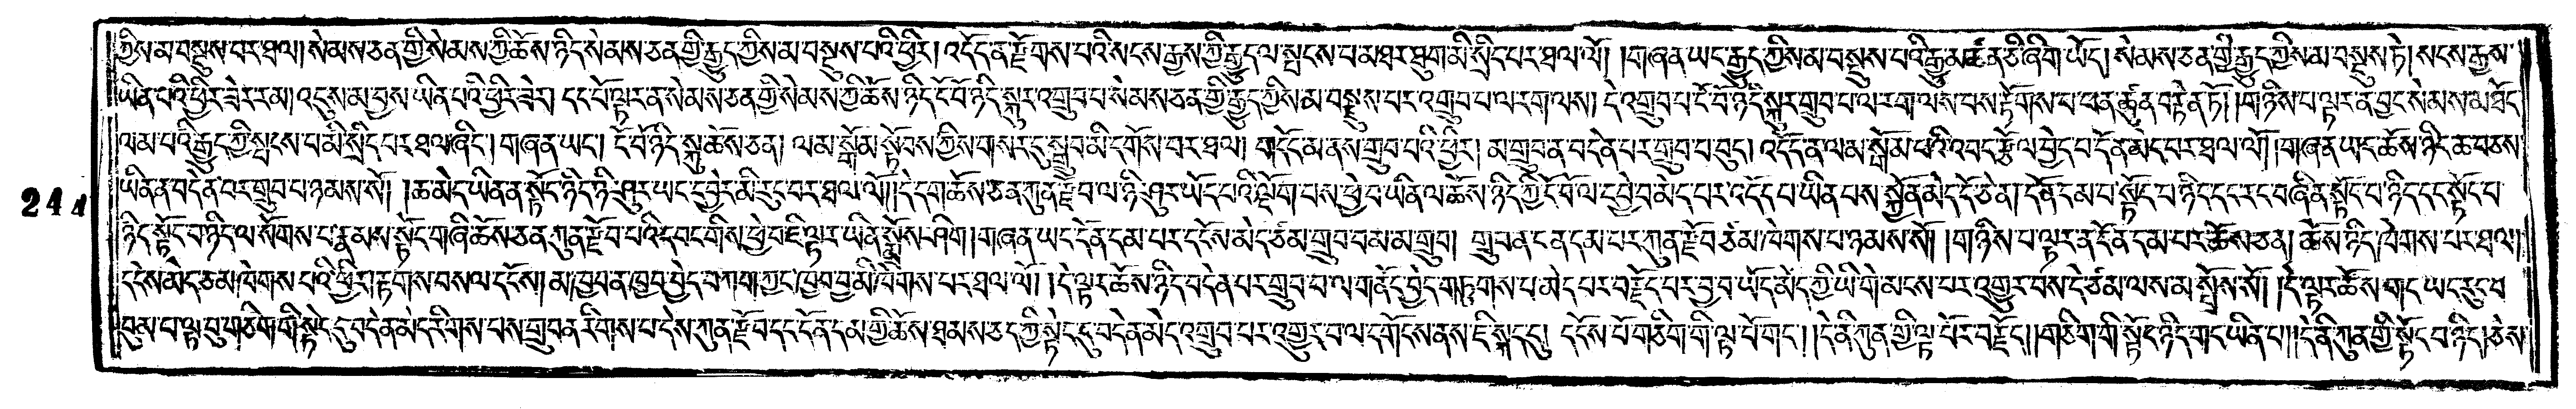ཀྱིས་མ་བསྡུས་པར་ཐལ། སེམས་ཅན་གྱི་སེམས་ཀྱི་ཆོས་ཉིད་སེམས་ཅན་གྱི་རྒྱུད་ཀྱིས་མ་བསྡུས་པའི་ཕྱིར། འདོད་ན་རྫོགས་པའི་སངས་རྒྱས་ཀྱི་རྒྱུད་ལ་སྤངས་པ་མཐར་ཐུག་མི་སྲིད་པར་ཐལ་ལོ། །གཞན་ཡང་རྒྱུད་ཀྱིས་མ་བསྡུས་པའི་རྒྱུ་མཚན་ཅི་ཞིག་ཡོད། སེམས་ཅན་གྱི་རྒྱུད་ཀྱིས་མ་བསྡུས་ཏེ། སངས་རྒྱས་
ཡིན་པའི་ཕྱིར་ཟེར་རམ། འདུས་མ་བྱས་ཡིན་པའི་ཕྱིར་ཟེར། དང་པོ་ལྟར་ན་སེམས་ཅན་གྱི་སེམས་ཀྱི་ཆོས་ཉིད་ངོ་བོ་ཉིད་སྐུར་འགྲུབ་པ་སེམས་ཅན་གྱི་རྒྱུད་ཀྱིས་མ་བསྡུས་པར་འགྲུབ་པ་ལ་རག་ལས། དེ་འགྲུབ་པ་ངོ་བོ་ཉིད་སྐུར་གྲུབ་པ་ལ་རག་ལས་པས་རྟོགས་པ་ཕན་ཚུན་བརྟེན་ཏོ། །གཉིས་པ་ལྟར་ན་བྱང་སེམས་མཐོང་
ལམ་པའི་རྒྱུད་ཀྱི་སྤངས་པ་མི་སྲིད་པར་ཐལ་ཞིང་། གཞན་ཡང་། ངོ་བོ་ཉིད་སྐུ་ཆོས་ཅན། ལམ་སྒོམ་སྟོབས་ཀྱིས་གསར་དུ་སྒྲུབ་མི་དགོས་པར་ཐལ། གདོད་མ་ནས་གྲུབ་པའི་ཕྱིར། མ་གྲུབ་ན་བདེན་པར་གྲུབ་པ་བུད། འདོད་ན་ལམ་སྒོམ་པའི་འབད་རྩོལ་བྱེད་པ་དོན་མེད་པར་ཐལ་ལོ། །གཞན་ཡང་ཆོས་ཉིད་ཆ་བཅས་
ཡིན་ན་བདེན་པར་གྲུབ་པ་ཉམས་སོ། །ཆ་མེད་ཡིན་ན་སྟོང་ཉིད་ཉི་ཤུར་ཡང་དབྱེར་མི་རུང་བར་ཐལ་ལོ། །དེ་དག་ཆོས་ཅན་ཀུན་རྫོབ་ལ་ཉི་ཤུར་ཡོད་པའི་ལྡོག་པས་ཕྱེ་བ་ཡིན་ལ་ཆོས་ཉིད་ཀྱི་ངོ་བོ་ལ་དབྱེ་བ་མེད་པར་འདོད་པ་ཡིན་པས་སྐྱོན་མེད་དོ་ཅེ་ན། དོན་དམ་པ་སྟོང་པ་ཉིད་དང་རང་བཞིན་སྟོང་པ་ཉིད་དང་སྟོང་པ་
ཉིད་སྟོང་པ་ཉིད་ལ་སོགས་པ་རྣམས་སྟོང་གཞི་ཆོས་ཅན་ཀུན་རྫོབ་པའི་དབང་གིས་ཕྱེ་བ་ཇི་ལྟར་ཡིན་སྨྲོས་ཤིག །གཞན་ཡང་དོན་དམ་པར་དངོས་མེད་ཙམ་གྲུབ་བམ་མ་གྲུབ། གྲུབ་ན་དན་དམ་པར་ཀུན་རྫོབ་ཙམ་ཁེགས་པ་ཉམས་སེ། །གཉིས་པ་ལྟར་ན་དོན་དམ་པར་ཆོས་ཅན། ཆོས་ཉིད་ཁེགས་པར་ཐལ།
དངེས་མེད་ཅམ་ཁེགས་པའི་ཕྱིར། རྟགས་བསལ་དངོས། མ་ཁྱབ་ན་ཁྱབ་བྱེད་བཀག་ཀྱང་ཁྱབ་བྱ་མི་ཁེགས་པར་ཐལ་ལོ། །དེ་ལྟར་ཆོས་ཉིད་བདེན་པར་གྲུབ་པ་ལ་གནོད་བྱེད་གཏུགས་པ་མེད་པར་བརྗོད་པར་བྱ་བ་ཡོད་མོད་ཀྱི་ཡི་གེ་མངས་པར་འགྱུར་བས་དེ་ཙམ་ལས་མ་སྤྲོས་སོ། །དེ་ལྟར་ཆོས་གང་ཡང་རུང་བ་
བུམ་པ་ལྟ་བུ་གཅིག་གི་སྟེང་དུ་བདེན་མེད་རིགས་པས་གྲུབ་ན་རིགས་པ་དེས་ཀུན་རྫོབ་དང་དོན་དམ་གྱི་ཆོས་ཐམས་ཅད་ཀྱི་སྟེང་དུ་བདེན་མེད་འགྲུབ་པར་འགྱུར་བ་ལ་དགོངས་ནས་ཇི་སྐད་དུ། དངོས་པོ་གཅིག་གི་ལྟ་པོ་གང་། །དེ་ནི་ཀུན་གྱི་ལྟ་པོར་བརྗོད། །གཅིག་གི་སྟོང་ཉིད་གང་ཡིན་པ། །དེ་ནི་ཀུན་གྱི་སྟོང་པ་ཉིད། ཅེས་